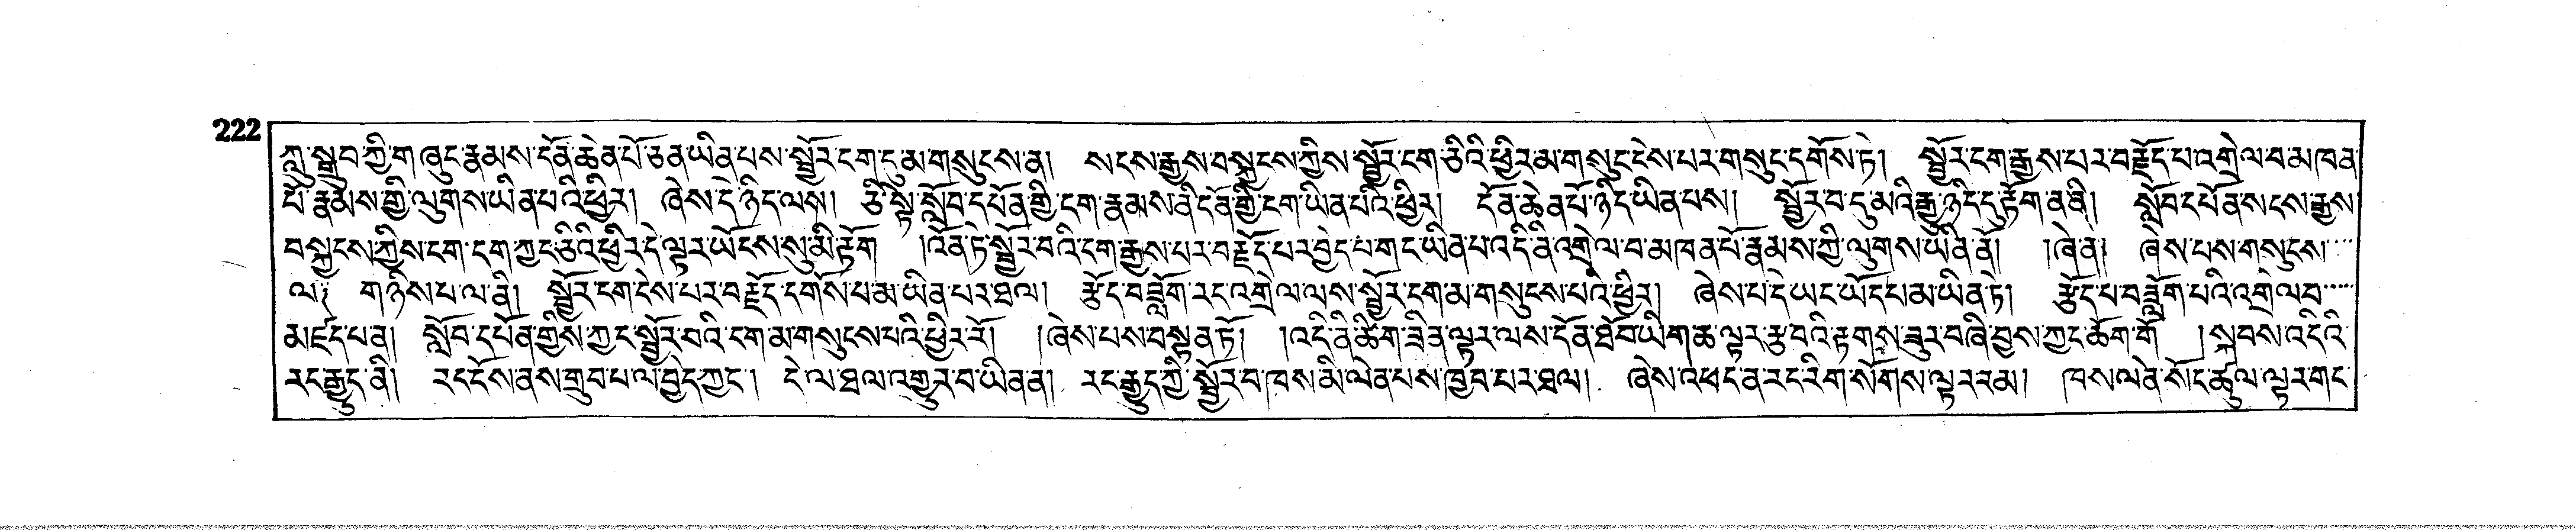ཀླུ་སྒྲུབ་ཀྱི་གཞུང་རྣམས་དོན་ཆེན་པོ་ཅན་ཡིན་པས་སྦྱོར་ངག་དུ་མ་གསུངས་ན། སངས་རྒྱས་བསྐྱངས་ཀྱིས་སྦྱོར་ངག་ཅིའི་ཕྱིར་མ་གསུང་ངེས་པར་གསུང་དགོས་ཏེ། སྦྱོར་ངག་རྒྱས་པར་བརྗོད་པ་འགྲེལ་བ་མཁན་
པོ་རྣམས་གྱི་ལུགས་ཡིན་པའི་ཕྱིར། ཞེས་དེ་ཉིད་ལས། ཅི་སྟེ་སློབ་དཔོན་གྱི་ངག་རྣམས་ནི་དོན་གྱི་ངག་ཡིན་པའི་ཕྱིར། དོན་ཆེན་པོ་ཉིད་ཡིན་པས། སྦྱོར་བ་དུ་མའི་རྒྱུ་ཉིད་དུ་རྟོག་ན་ནི། སློབ་དཔོན་སངས་རྒྱས་
བསྐྱངས་ཀྱིས་ངག་དག་ཀྱང་ཅིའི་ཕྱིར་དེ་ལྟར་ཡོངས་སུ་མི་རྟོག །འོན་ཏེ་སྦྱོར་བའི་ངག་རྒྱས་པར་བརྗོད་པར་བྱེད་པ་གང་ཡིན་པ་འདི་ནི་འགྲེལ་བ་མཁན་པོ་རྣམས་ཀྱི་ལུགས་ཡིན་ནོ། །ཞེས་ན། ཞེས་པས་གསུངས་
ལ༑ གཉིས་པ་ལ་ནི། སྦྱོར་ངག་ངེས་པར་བརྗོད་དགོས་པ་མ་ཡིན་པར་ཐལ། རྩོད་བཟློག་རང་འགྲེལ་ལས་སྦྱོར་ངག་མ་གསུངས་པའི་ཕྱིར། ཞེས་པ་དེ་ཡང་ཡོད་པ་མ་ཡིན་ཏེ། རྩོད་པ་བཟློག་པའི་འགྲེལ་བ་
མཛད་པ་ན། སློབ་དཔོན་གྱིས་ཀྱང་སྦྱོར་བའི་ངག་མ་གསུངས་པའི་ཕྱིར་རོ། །ཞེས་པས་བསྟན་ཏོ། །འདི་ནི་ཚིག་ཟིན་ལྟར་ལས་དོན་ཐོབ་ཡིག་ཆ་ལྟར་རྩ་བའི་རྟགས་ཟུར་བཞི་བྱས་ཀྱང་ཆོག་གོ །སྐབས་འདིའི་
རང་རྒྱུད་ནི། རང་ངོས་ནས་གྲུབ་པ་ལ་བྱེད་ཀྱང་། དེ་ལ་ཐལ་འགྱུར་བ་ཡིན་ན། རང་རྒྱུད་ཀྱི་སྦྱོར་བ་ཁས་མི་ལེན་པས་ཁྱབ་པར་ཐལ། ཞེས་འཕང་ན་རང་རིག་སོགས་ལྟར་རམ། ཁས་ལེན་སོང་ཚུལ་ལྟར་གང་